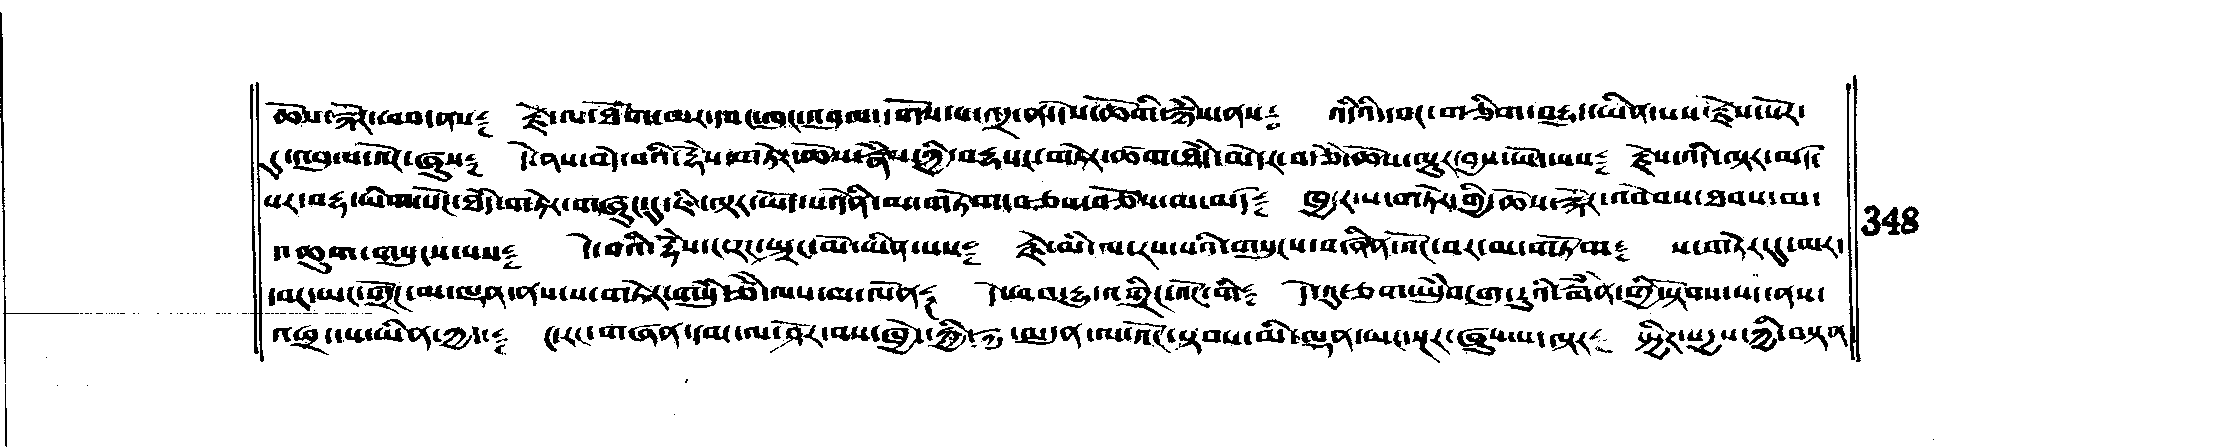ཆོས་སྐོར་ཕབ་ནས། རྗེ་ལ་ཐོག་མར་དབང་ལུང་འབུལ་དགོས་པ་འདྲ་ན་དེས་ཆོག་གི་སྙམ་ནས། འདིའི་དབང་གཅིག་བརྒྱུད་ཡིན་པས་རྗེས་སོར་
དུ་འབུལ་འོང་ཞུས། དེ་ནས་བདེ་བའི་རྡོ་རྗེས་གཏེར་ཆོས་རྣམས་ཀྱི་བརྡ་དང་གཏེར་ཚག་ཐམས་ཅད་མེད་པར་བརྩམ་ཆོས་ལྟ་བུར་བྱས་ཡོད་པས། རྗེས་འདི་ལྟར་མཛད་
པར་བརྡ་ཡིག་སོགས་ཐམས་ཅད་གཏེར་གཞུང་དུ་ཇི་ལྟར་ཡོད་པ་དེ་ནི་མ་གཏོགས་བཅས་བཅོས་མ་མཛད། ཁྱད་པར་གཏེར་གྱི་ཆོས་སྐོར་འབེབས་ཐབས་མ་
འཆུག་གསུངས་པས། བདེ་བའི་རྡོ་རྗེས་ང་རང་སྤྲང་མོ་ཡིན་པས། རྗེ་མི་ལ་རས་པའི་གསུངས་བཞིན་འོང་བར་མ་གཏོགས། ས་གཏེར་དུ་མར་
དབང་ཡང་གྲོགས་མ་ལྡན་ནས་ས་གཏེར་གསུམ་ཙམ་ལས་མ་ལོན། དེ་ཕབ་རྒྱུ་འགྲིགས་འོང་གི དེ་འུ་ཅག་ཡབ་ཡུམ་གུ་རུའི་སྨོན་ལམ་གྱི་སྟོབས་སད་ནས་
འཕྲད་པ་ཡིན་ཀྱང་། ང་རང་གཞན་དབང་ལ་ཤོར་བས་ཁྱེད་ཀྱི་སྐུ་མདུན་ལ་འོང་སྟབས་མི་ལྡན་ཡང་སྔར་ཞུས་པ་ལྟར། སྤྱིར་སངས་རྒྱས་ཀྱི་བསྟན་